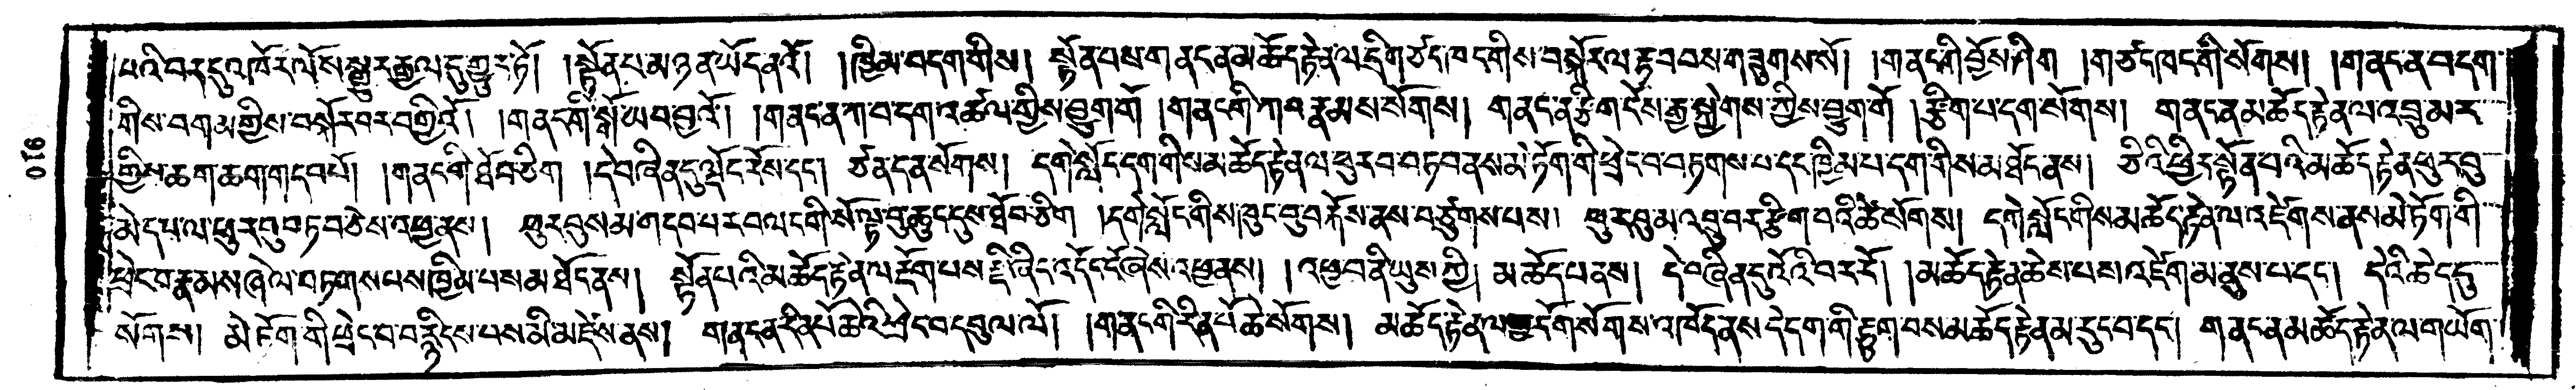པའི་བར་དུ་འཁོར་ལོས་སྒྱུར་རྒྱལ་དུ་གྱུར་ཏོ། །སྟོན་པ་མཉན་ཡོད་ནའོ། །ཁྱིམ་བདག་གིས། སྟོན་པས་གནང་ན་མཆོད་རྟེན་ལ་དྲིག་ཙང་ཁང་གིས་བསྐོར་ལ་རྟ་བབས་གཟུགས་སོ། །གནང་གི་བྱོས་ཤིག །གཙང་ཁང་གི་སོགས། །གནང་ན་བདག་
གིས་བགམ་གྱིས་བསྐོར་བར་བགྱིའོ། །གནང་གི་སྒོ་ཡབ་བྱའོ། །གནང་ན་ཀ་བ་དག་འཚལ་གྱིས་བྱུག་གོ །གནང་གི་ཀབ་རྣམས་སོགས། གནང་ན་རྩིག་ངོས་རྒྱ་སྐྱེགས་ཀྱིས་བྱུག་གོ །རྩིག་པ་དག་སོགས། གནང་ན་མཆོད་རྟེན་ལ་འབྲུ་མར་
གྱིས་ཆག་ཆག་གདབ་པོ། །གནང་གི་ཐོབ་ཅིག །དེ་བཞིན་དུ་ལྡོང་རོས་དང་། ཙན་དན་སོགས། དགེ་སློང་དག་གིས་མཆོད་རྟེན་ལ་ཕུར་བ་བཏབ་ནས་མེ་ཏོག་གི་ཕྲེང་བ་བཏགས་པ་དང་ཁྱིམ་པ་དག་གིས་མཐོང་ནས། ཅིའི་ཕྱིར་སྟོན་པའི་མཆོད་རྟེན་ཕུར་བུ་
མེད་པ་ལ་ཕུར་བུ་བཏབ་ཅེས་འཕྱ་ནས། ཕུར་བུས་མ་གདབ་པར་བ་ལང་གི་སོ་ལྟ་བུ་ཆུང་དུས་ཐོབ་ཅིག །དགེ་སློང་གིས་ཁུང་བུ་བརྐོས་ནས་བཙུགས་པས། ཕུར་བུ་མ་འབྲུ་བར་རྩིག་བའི་ཚེ་སོགས། དགེ་སློང་གིས་མཆོད་རྟེན་ལ་འཛེགས་ནས་མེ་ཏོག་གི་
ཕྲེང་བ་རྣམས་ཞེལ་བཏགས་པས་ཁྱིམ་པས་མཐོང་ནས། སྟོན་པའི་མཆོད་རྟེན་ལ་རྔོག་པས་རྫི་ཞིང་འདོང་ངོ་ཞེས་འཕྱ་ནས། །འཕྱ་བ་ནི་ཡུས་ཀྱི། མཆོད་པ་ནས། དེ་བཞིན་དུ་འོའི་བར་རོ། །མཆོད་རྟེན་ཆེས་པས་འཛེག་མ་ནུས་པ་དང་། དེའི་ཆེད་དུ་
སོགས། མེ་ཏོག་གི་ཕྲེང་བ་བརྙིངས་པས་མི་མཛེས་ནས། གནང་ན་རིན་པོ་ཆེའི་ཕྲེང་བ་དབུལ་ལོ། །གནང་གི་རིན་པོ་ཆེ་སོགས། མཆོད་རྟེན་ལ་བྱ་རོག་སོགས་འཁོད་ནས་དེ་དག་གི་རྟུག་བས་མཆོད་རྟེན་མ་རུང་བ་དང་། གནང་ན་མཆོད་རྟེན་ལ་གཡོག་